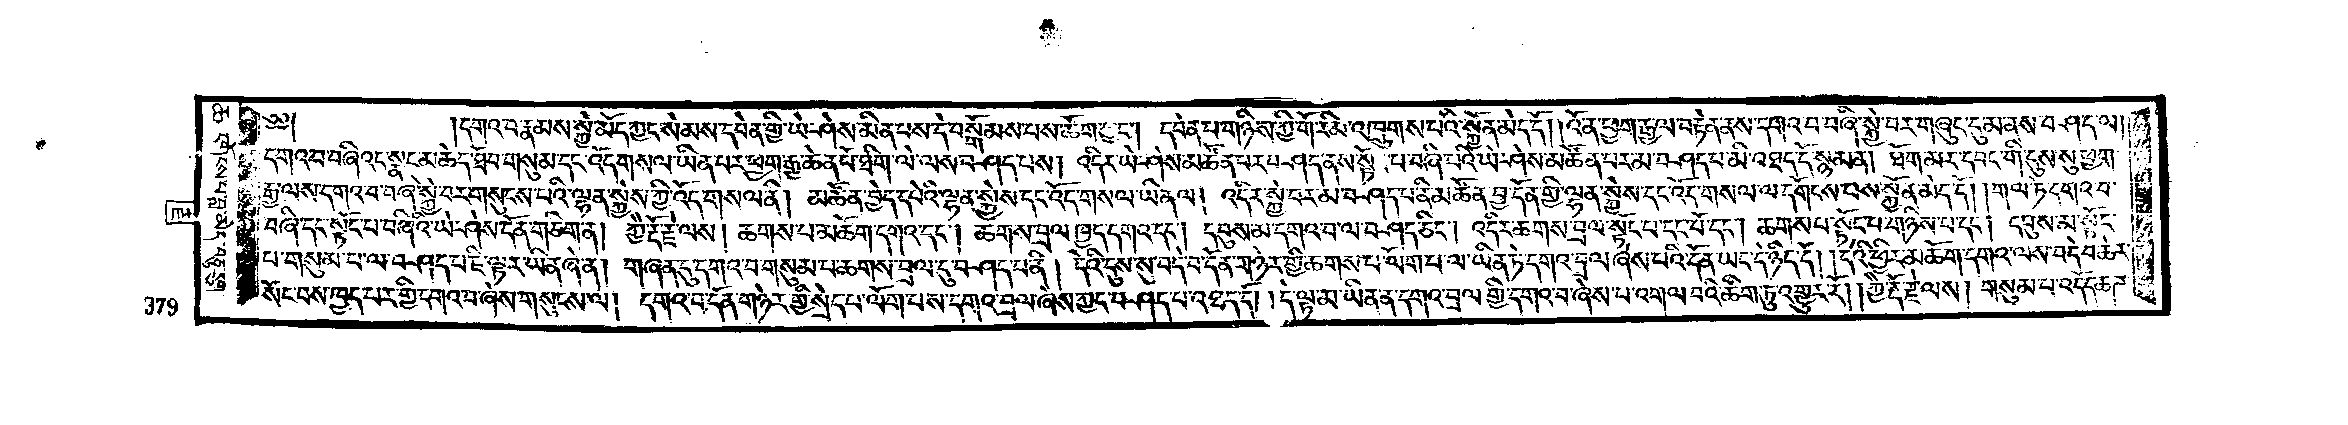༄༅། །དགའ་བ་རྣམས་སྐྱེ་མོད་ཀྱང་སེམས་དབེན་གྱི་ཡེ་ཤེས་མིན་པས་དེ་བསྒོམས་པས་ཆོག་ཀྱང་། དབེན་པ་གཉིས་ཀྱི་གོ་རིམ་འཁྲུགས་པའི་སྐྱོན་མེད་དོ། །འོ་ན་ཕྱག་རྒྱ་ལ་བརྟེན་ནས་དགའ་བ་བཞི་སྐྱེ་བར་གཞུང་དུ་མ་ནས་བཤད་ལ།
དགའ་བ་བཞིའང་སྣང་མཆེད་ཐོབ་གསུམ་དང་འོད་གསལ་ཡིན་པར་ཕྱག་རྒྱ་ཆེན་པོ་ཐིག་ལེ་ལས་བཤད་པས། འདིར་ཡེ་ཤེས་མཚོན་པར་བཤད་ནས་སྟོང་པ་བཞི་པའི་ཡེ་ཤེས་མཚོན་པར་མ་བཤད་པ་མི་འཐད་དོ་སྙམ་ན། ཐོག་མར་དབང་གི་དུས་སུ་ཕྱག་
རྒྱ་ལས་དགའ་བ་བཞི་སྐྱེ་བར་གསུངས་པའི་ལྷན་སྐྱེས་ཀྱི་འོད་གསལ་ནི། མཚོན་བྱེད་དཔེའི་ལྷན་སྐྱེས་དང་འོད་གསལ་ཡིན་ལ། འདིར་སྐྱེ་བར་མ་བཤད་པ་ནི་མཚོན་བྱ་དོན་གྱི་ལྷན་སྐྱེས་དང་འོད་གསལ་ལ་དགོངས་པས་སྐྱོན་མེད་དོ། །གལ་ཏེ་དགའ་བ་
བཞི་དང་སྟོང་པ་བཞིའི་ཡེ་ཤེས་དོན་གཅིག་ན། ཀྱཻ་རྡོ་རྗེ་ལས། ཆགས་པ་མཆོག་དགའ་དང་། ཆགས་བྲལ་ཁྱད་དགའ་དང་། དབུས་མ་དགའ་བ་ལ་བཤད་ཅིང་། འདིར་ཆགས་བྲལ་སྟོང་པ་དང་པོ་དང་། ཆགས་པ་སྟོང་པ་གཉིས་པ་དང་། དབུས་མ་སྟོང་
པ་གསུམ་པ་ལ་བཤད་པ་ཇི་ལྟར་ཡིན་ཞེ་ན། གཞན་དུ་དགའ་བ་གསུམ་པ་ཆགས་བྲལ་དུ་བཤད་པ་ནི། དེའི་དུས་སུ་བདེ་བ་དོན་གཉེར་གྱི་ཆགས་པ་ལོག་པ་ལ་ཡིན་ཏེ་དགའ་བྲལ་ཞེས་པའི་དོན་ཡང་དེ་ཉིད་དོ། །དེའི་ཕྱིར་མཆོག་དགའ་ལས་བདེ་བ་ཆེར་
སོང་བས་ཁྱད་པར་གྱི་དགའ་བ་ཞེས་གསུངས་ལ། དགའ་བ་དོན་གཉེར་གྱི་སྲེད་པ་ལོག་པས་དགའ་བྲལ་ཞེས་ཀྱང་བཤད་པ་འཐད་དོ། །དེ་ལྟ་མ་ཡིན་ན་དགའ་བྲལ་གྱི་དགའ་བ་ཞེས་པ་འགལ་བའི་ཚིག་ཏུ་འགྱུར་རོ། །ཀྱཻ་རྡོ་རྗེ་ལས། གསུམ་པ་འདོད་ཆགས་